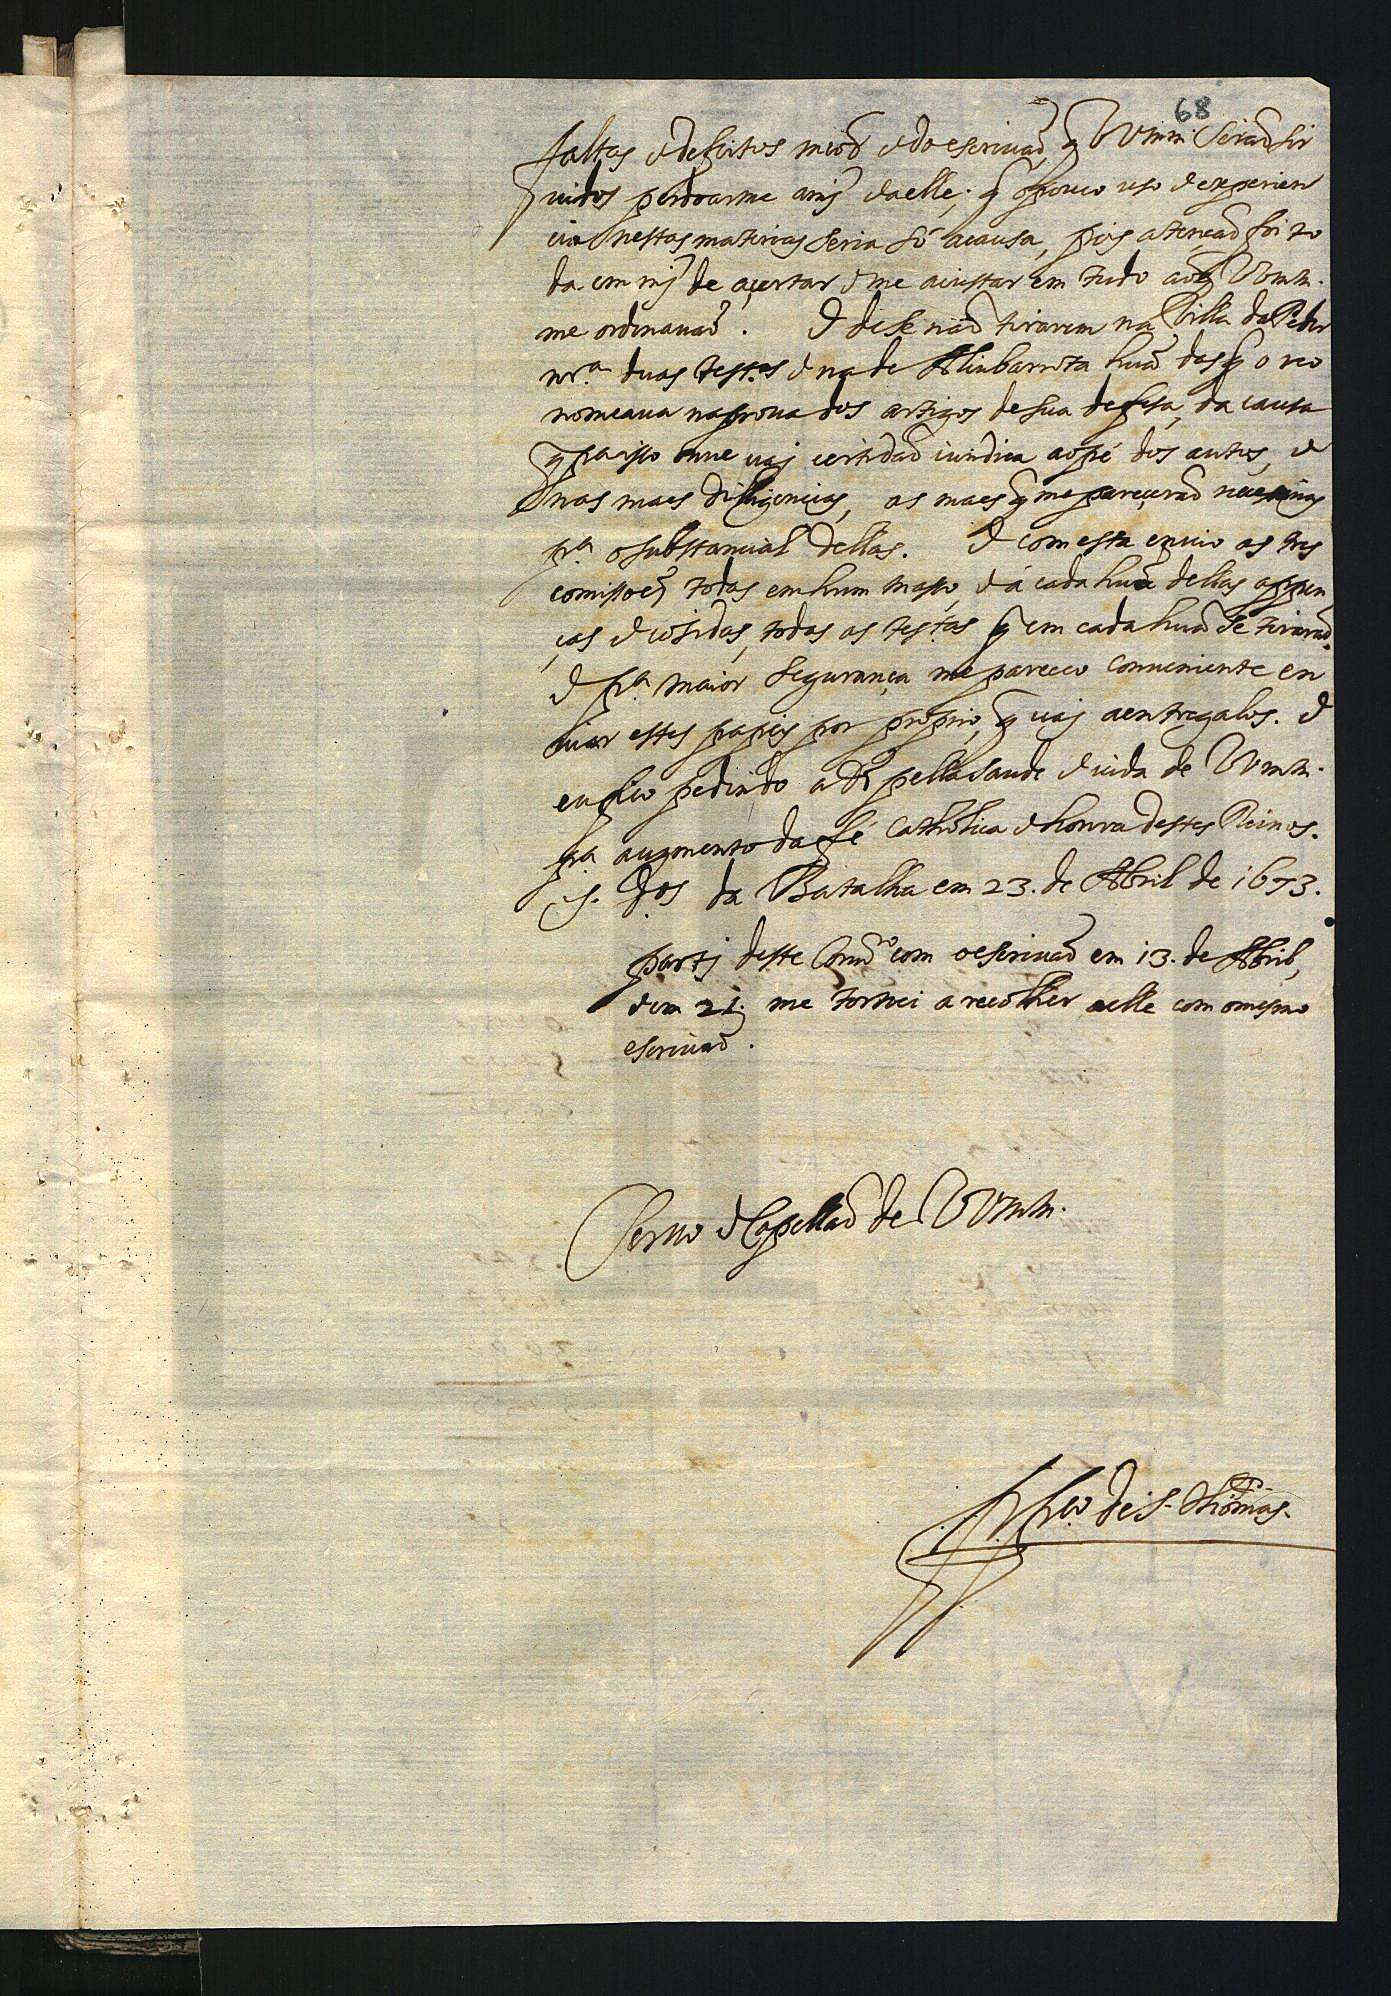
faltas e defeitos meos e do escriuão, q̄ VV mm seraõ sir
uidos perdoarme a mj̄ e a elle; q̄ o pouco uso e experien
cia nestas materias seria só a causa, pois a tenção foi to
da em mj̄ de acertar e me aiustar em tudo ao q̄ Vv mm.
me ordenauaõ. E de se naõ tirarem na Villa da Peder
nr.a duas test.as e na de Aliubarrota huā das q̄ o reo
nomeaua na proua dos artigos de sua defesa, da causa
q̄ pa isso ouue uaj certidaõ iuridica ao pé dos autos, e
nas mais dilligencias, as maes q̄ me pareceraõ necessarias
p.a o substancial dellas. E com esta enuio as tres
comissoẽs todas em hum masso, e a cada huā dellas appen
ças e cosidas, todas as testas q̄ em cada huā se tiraraõ
e p.a maior segurança me pareceo conueniente en
uiar estes papeis por proprio, q̄ uaj a entregalos. e
eu fico pedindo a Ds̄ pella saude e uida de Vv mm.
p.a augmento da fé catholica e honra destes Reinos.
S. d.os da Batalha em 23. de Abril de i673.
partj deste Conuto com o escriuaõ em i3. de Abril,
e em 2i me tornei a recolher a elle com o mesmo
escriuaõ.
Seruo e Capellaõ de VV mm.
fr frco de s. thomas
